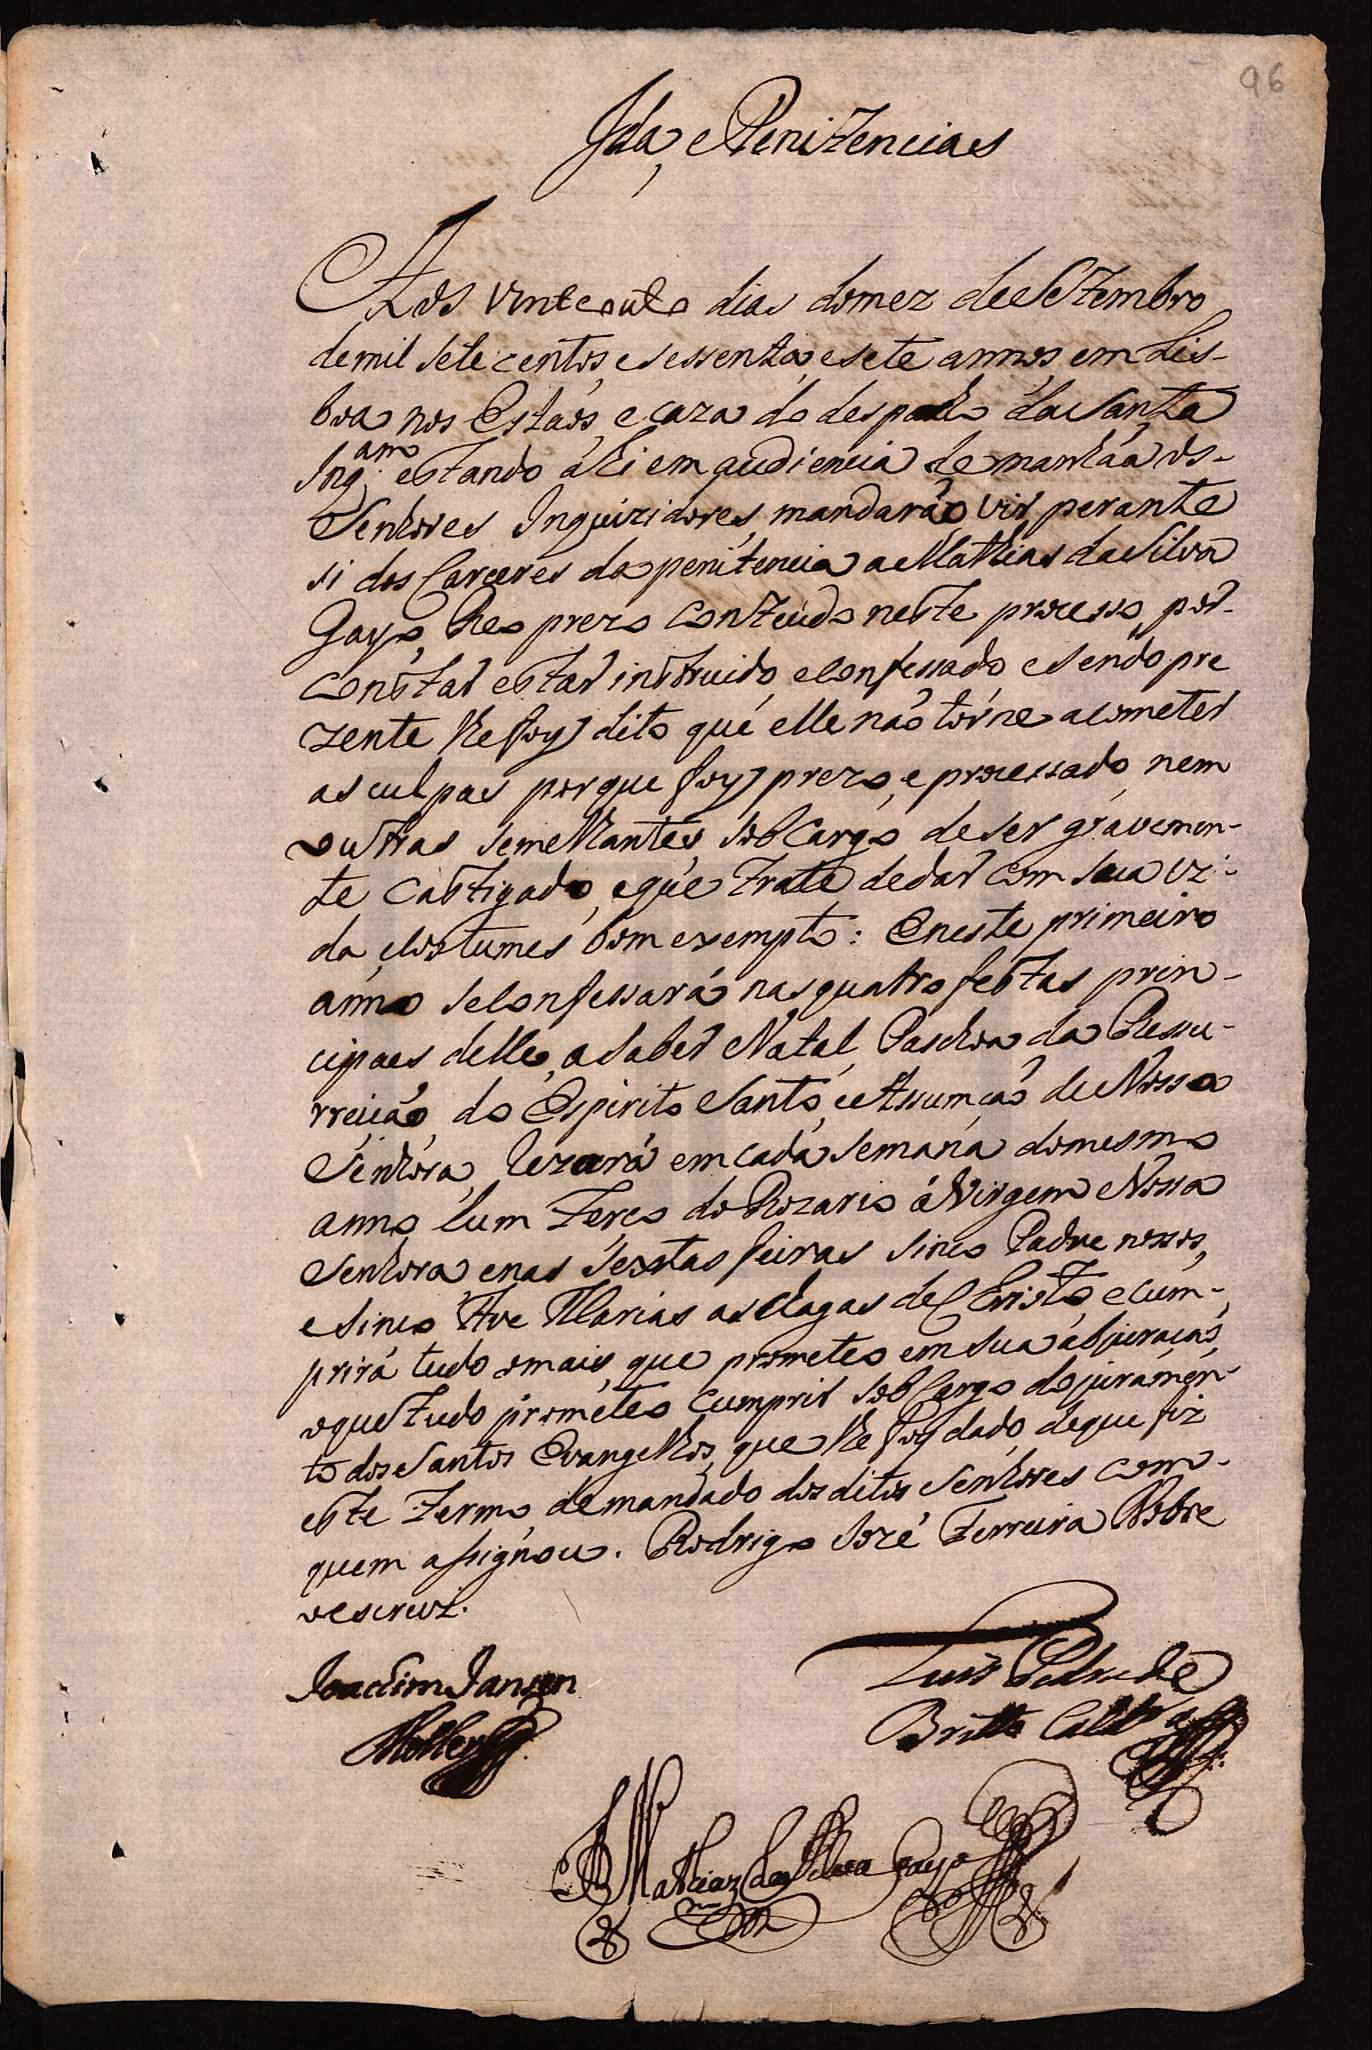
Jda, e Penitencias
Aos vinte outo dias do mez de Setembro
de mil setecentos e sessenta e sete annos em Lis
boa nos Estaos, e caza do despacho da Santa
Inq.am estando ahi em audiencia de manhaã os
Senhores Inquizidores, mandarão vir perante
si dos Carceres da penitencia á Mathias da Silva
Gayo, Reo prezo conteùdo neste processo, por
constar estar instruido, e confessado, e sendo pre
zente lhe foy dito que elle naõ torne a cometer
as culpas porque foy prezo, e processado, nem
outras semelhantes, sob cargo de ser gravemen
te castigado, e que trate de dar com sua vi
da, e costumes bom exempto: E neste primeiro
anno se confessará nas quatro festas prin
cipaes delle, a Saber Natal, Paschoa da Ressu
rreiçaõ, do Espirito Santo, e Assumçaõ de Nossa
Senhora, rezará em cada semana do mesmo
anno hum Terço do Rozario á Virgem Nossa
Senhora, e nas sextas feiras sinco Padre nossos,
e sinco Ave Marias as chagas de Christo, e cum
prirá tudo o mais, que prometeo em sua abjuraçaõ,
o que tudo prometeo cumprir sob Cargo do juramen
to dos Santos Evangelhos, que lhe foy dado, de que fiz
este Termo, de mandado dos ditos senhores com
quem assignou. Rodrigo Iozé Ferreira Nobre
o escrevi.
Ioachim Iansen
Moller
Luis Pedro de
Britto Caldr
Mathias da Silva Gayo
